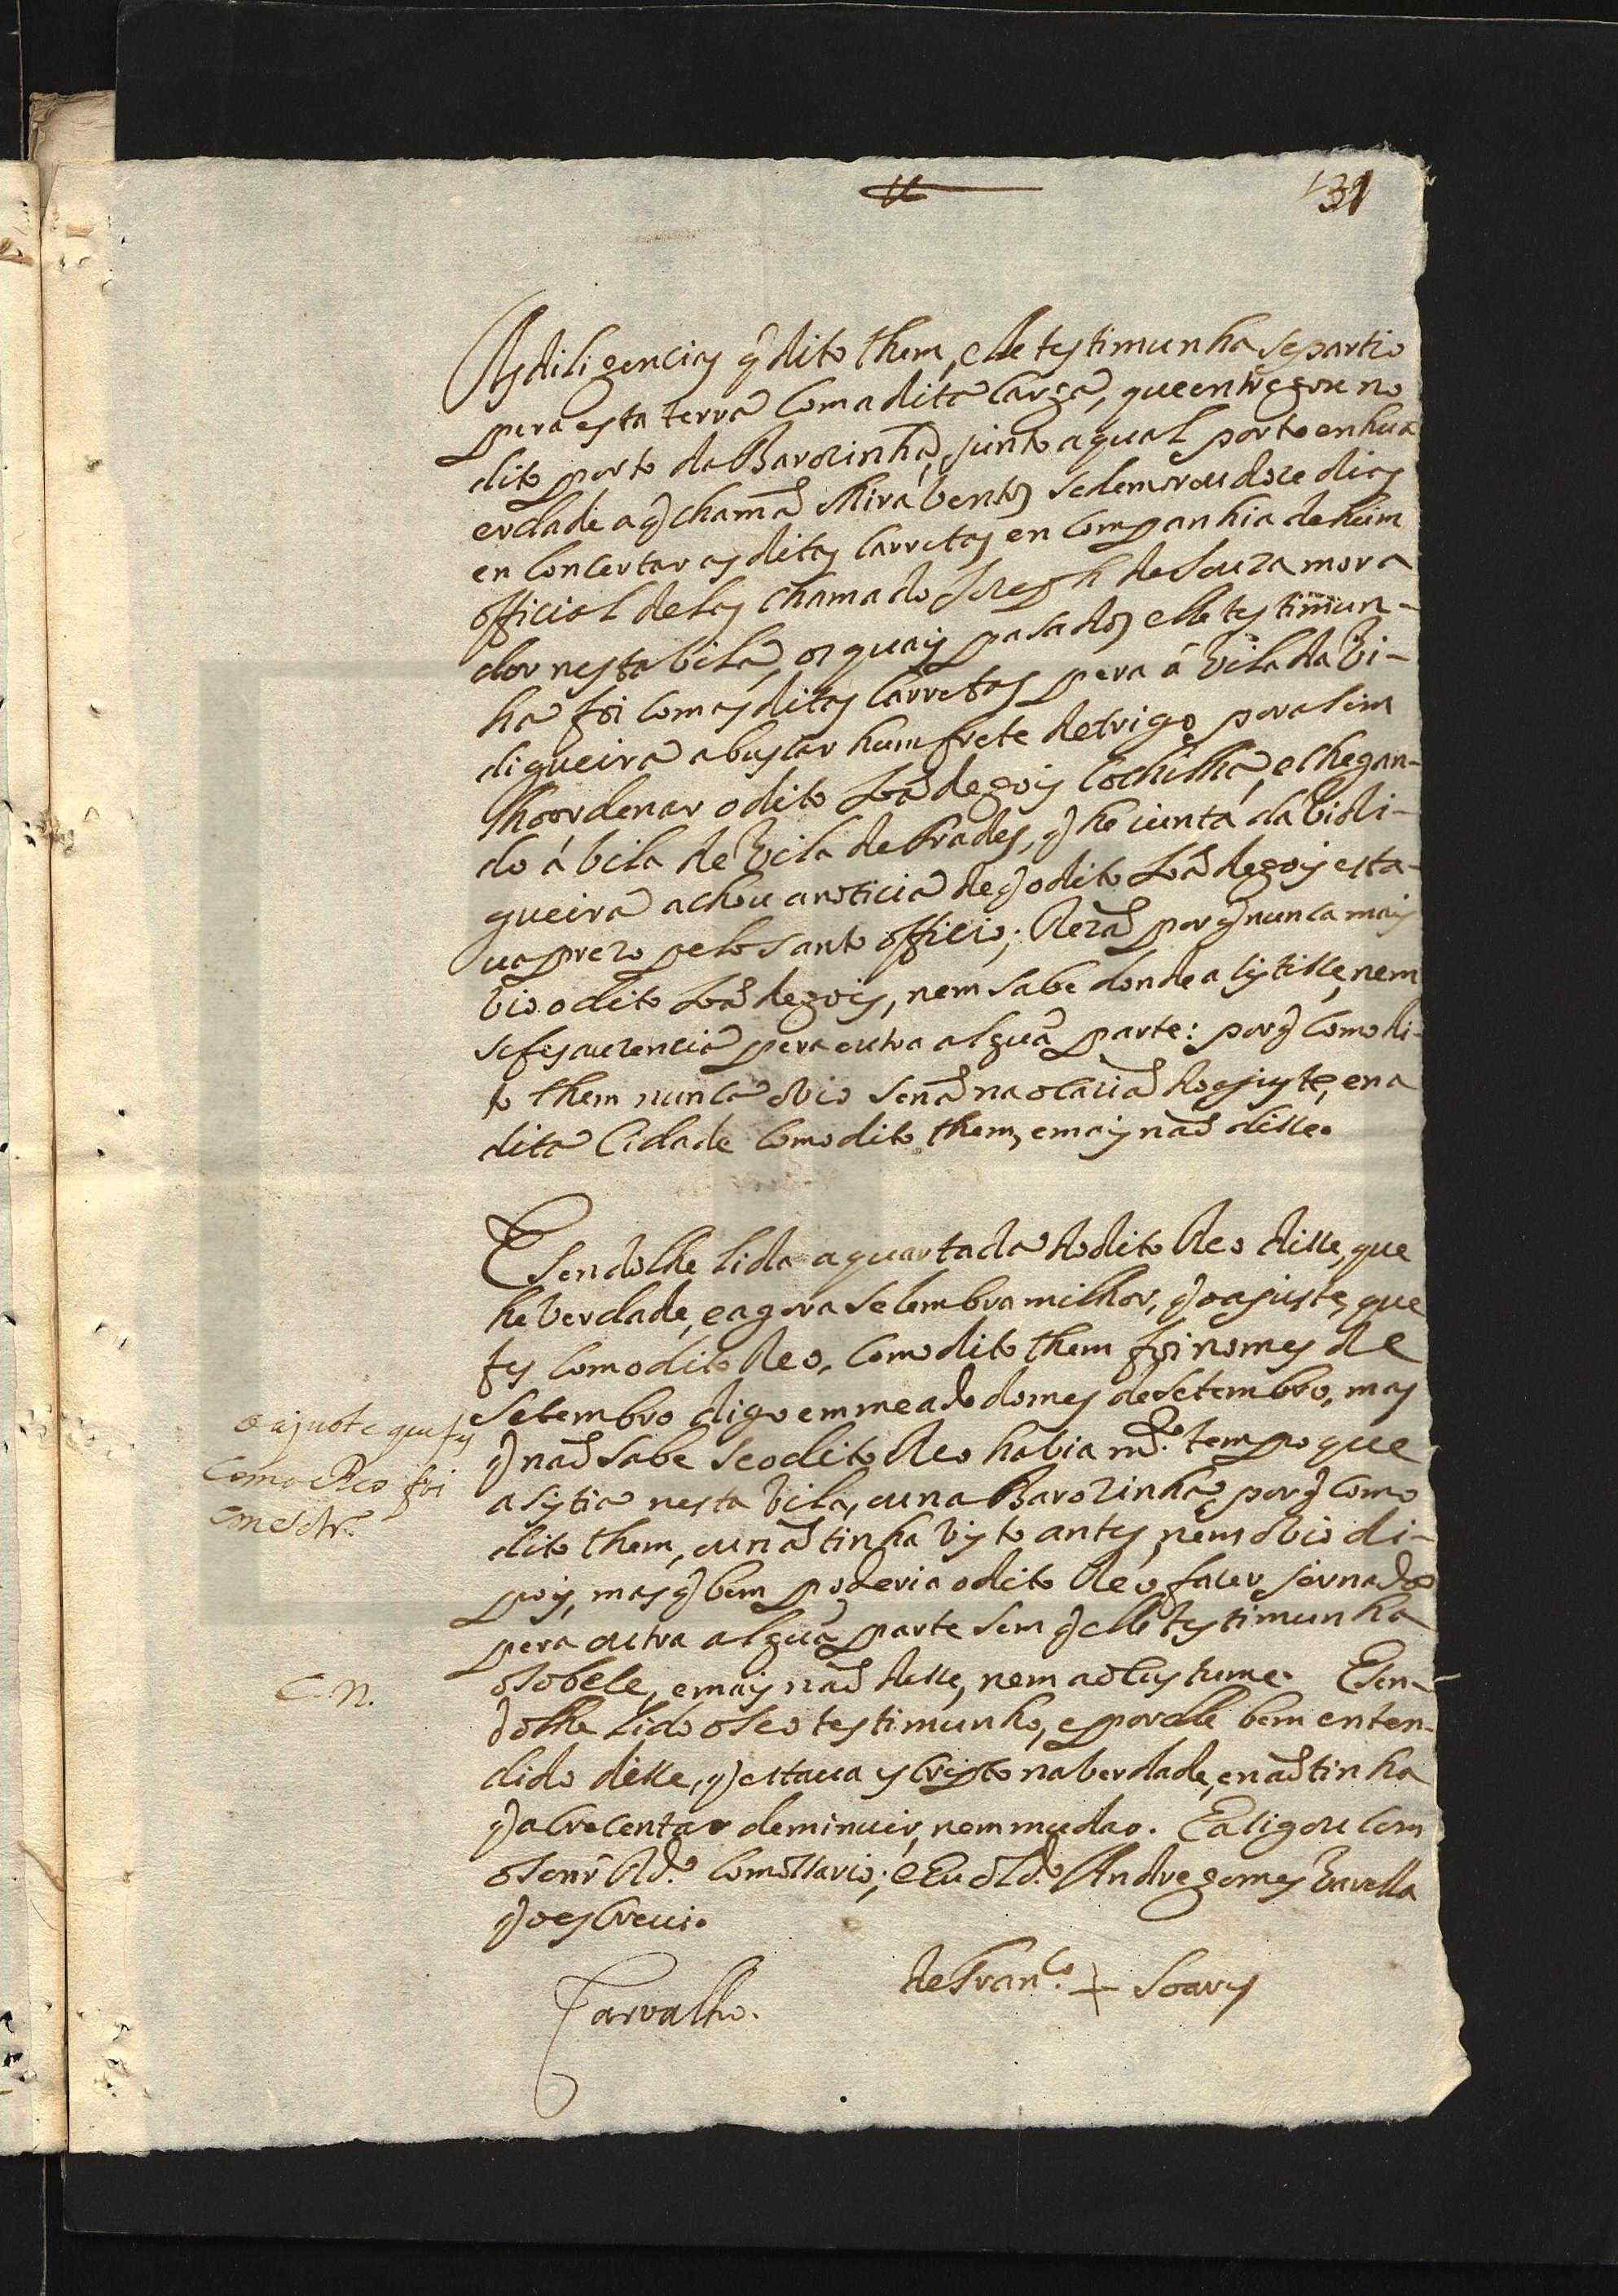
o ajuste que fes
Com o Reo foi
em setr.o
C.n.
As diligencias q̄ dito them, elle testimunha se partio
pera esta terra Com a dita Carga, que entregou no
dito porto da Barozinha, junto a qual porto en hua
erdade a q̄ chamã Miraventos se demorou doze dias
en Concertar as ditas Carretas en Companhia de hum
official delas chamado Jozeph de Souza mora
dor nesta Vila, os quais pasados elle testimun
ha foi Com as ditas Carretas pera á Vila da Vi
digueira a buscar hum frete de trigo por asim
lho ordenar o dito Joã de gois Cochilha, e chegan
do á Vila de Vila de Frades, q̄ he iunta da Vidi
gueira achou a noticia de q̄ o dito Joã de gois esta
ua prezo pelo santo officio; Rezã por q̄ nunca mais
vio o dito Joã de gois, nem sabe donde asistisse, nem
se fez auzencia pera outra alguā parte: porq̄ como di
to them nunca o vio senã na oCaziã do ajuste, e na
dita Cidade Como dito them, e mais naõ disse.
E sendolhe lida a quartada do dito Reo disse, que
he verdade, e agora se lembra milhor, q̄ o ajuste que
fes Como dito Reo, Como dito them foi no mes de
Setembro digo em meado do mes de setembro, mas
q̄ naõ sabe se o dito Reo havia m.to tempo que
asistia nesta vila, ou na Barozinha, porq̄ Como
dito them, ou nã tinha visto antes, nem o vio di
pois, mas q̄ bem poderia o dito Reo facer jornada
pera outra alguā parte sem q̄ elle testimunha
o sobeCe, e mais naõ disse, nem ao custume. E sen
dolhe lido o seo testimunho, e por elle bem enten
dido disse, q̄ estaua esCripto na verdade, e naõ tinha
q̄ aCrecentar deminuir, nem mudar. E asigou Com
o Senr̄ Rd.o Comossario; e Eu o Ld.o Andre gomes Varella
q̄ o esCreui.
de Franco. + Soares
Carvalho.
